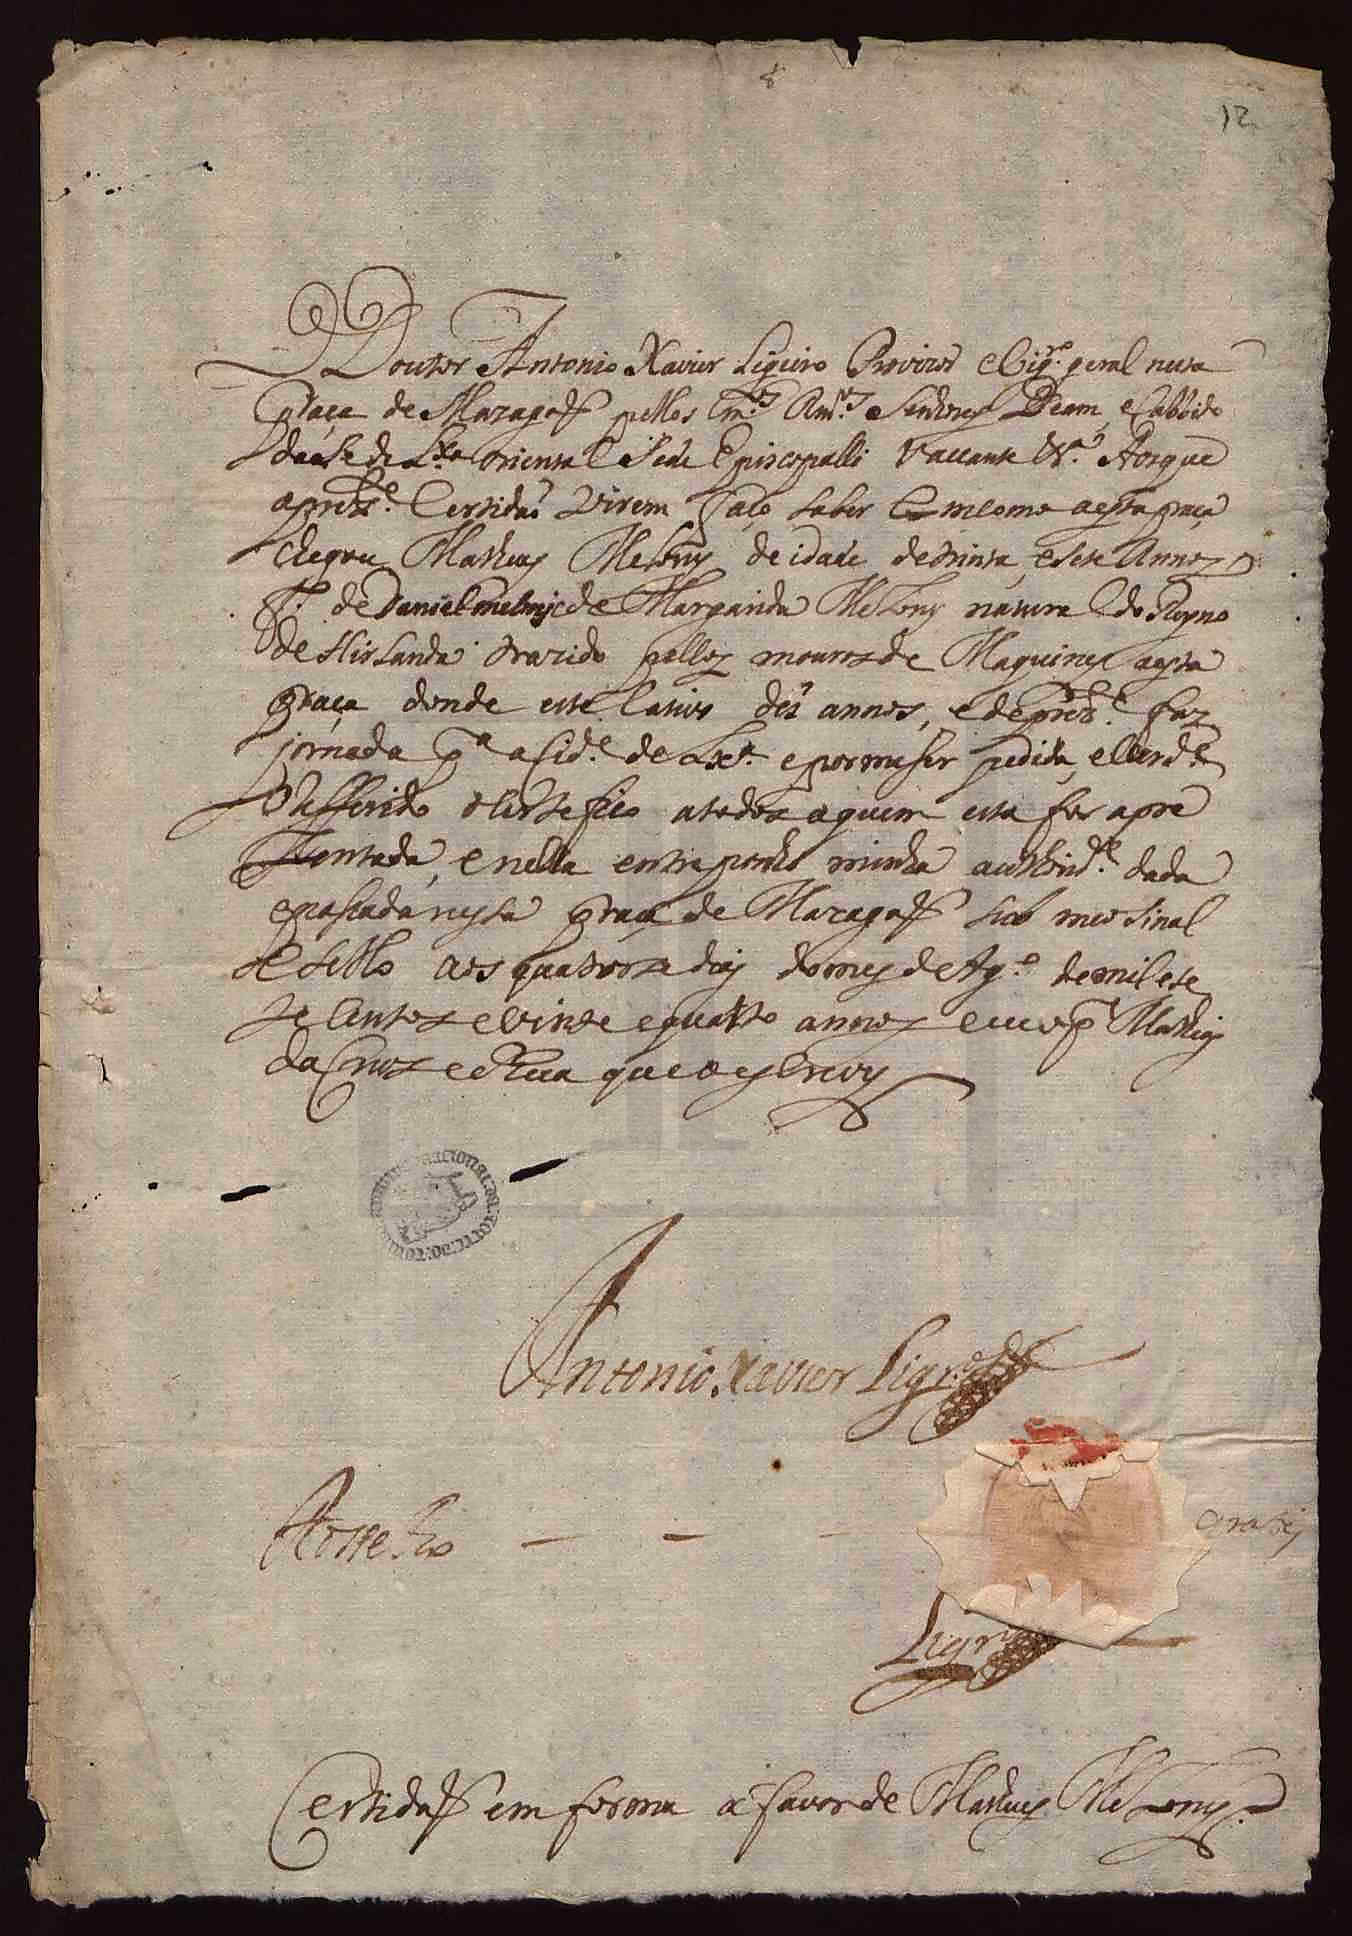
O Doutor Antonio Xavier Ligeiro Provizor, e Vig.ro geral nesta
praça de Mazagaõ pellos m.tos Rm.os Senhores Deam, e Cabbido
da Se de L.xa oriental Sede Episcopalli vaccante &r.a Aos que
a prez.te Certidaõ virem faço saber Em como a esta praça
chegou Matheus Melony de idade de trinta, e sete Annos
f.o de Daniel melonj e de Margarida MeLony natural do Reyno
de Hirlanda trazido pellos mouros de Maguines a esta
praça donde este Cativo dês annos, e de prez.te faz
jornada pa a Cid.e de Lx.a e por me ser pedida, e verd.e
o Refferido o certefico a todos a quem esta for apre
Zentada, e nella entraponho minha authorid.e dada
e passada nesta praça de Mazagaõ sob meo sinal
E sello aos quatorze dias do mes de Ag.o de mil e se
tecentos e vinte e quatro annos e eu o pe Mathias
da Crus e Rua que o escrevy
Antonio xavier Ligro
A este fis
Ligro
Certidaõ em forma a favor de Matheus MeLony.
